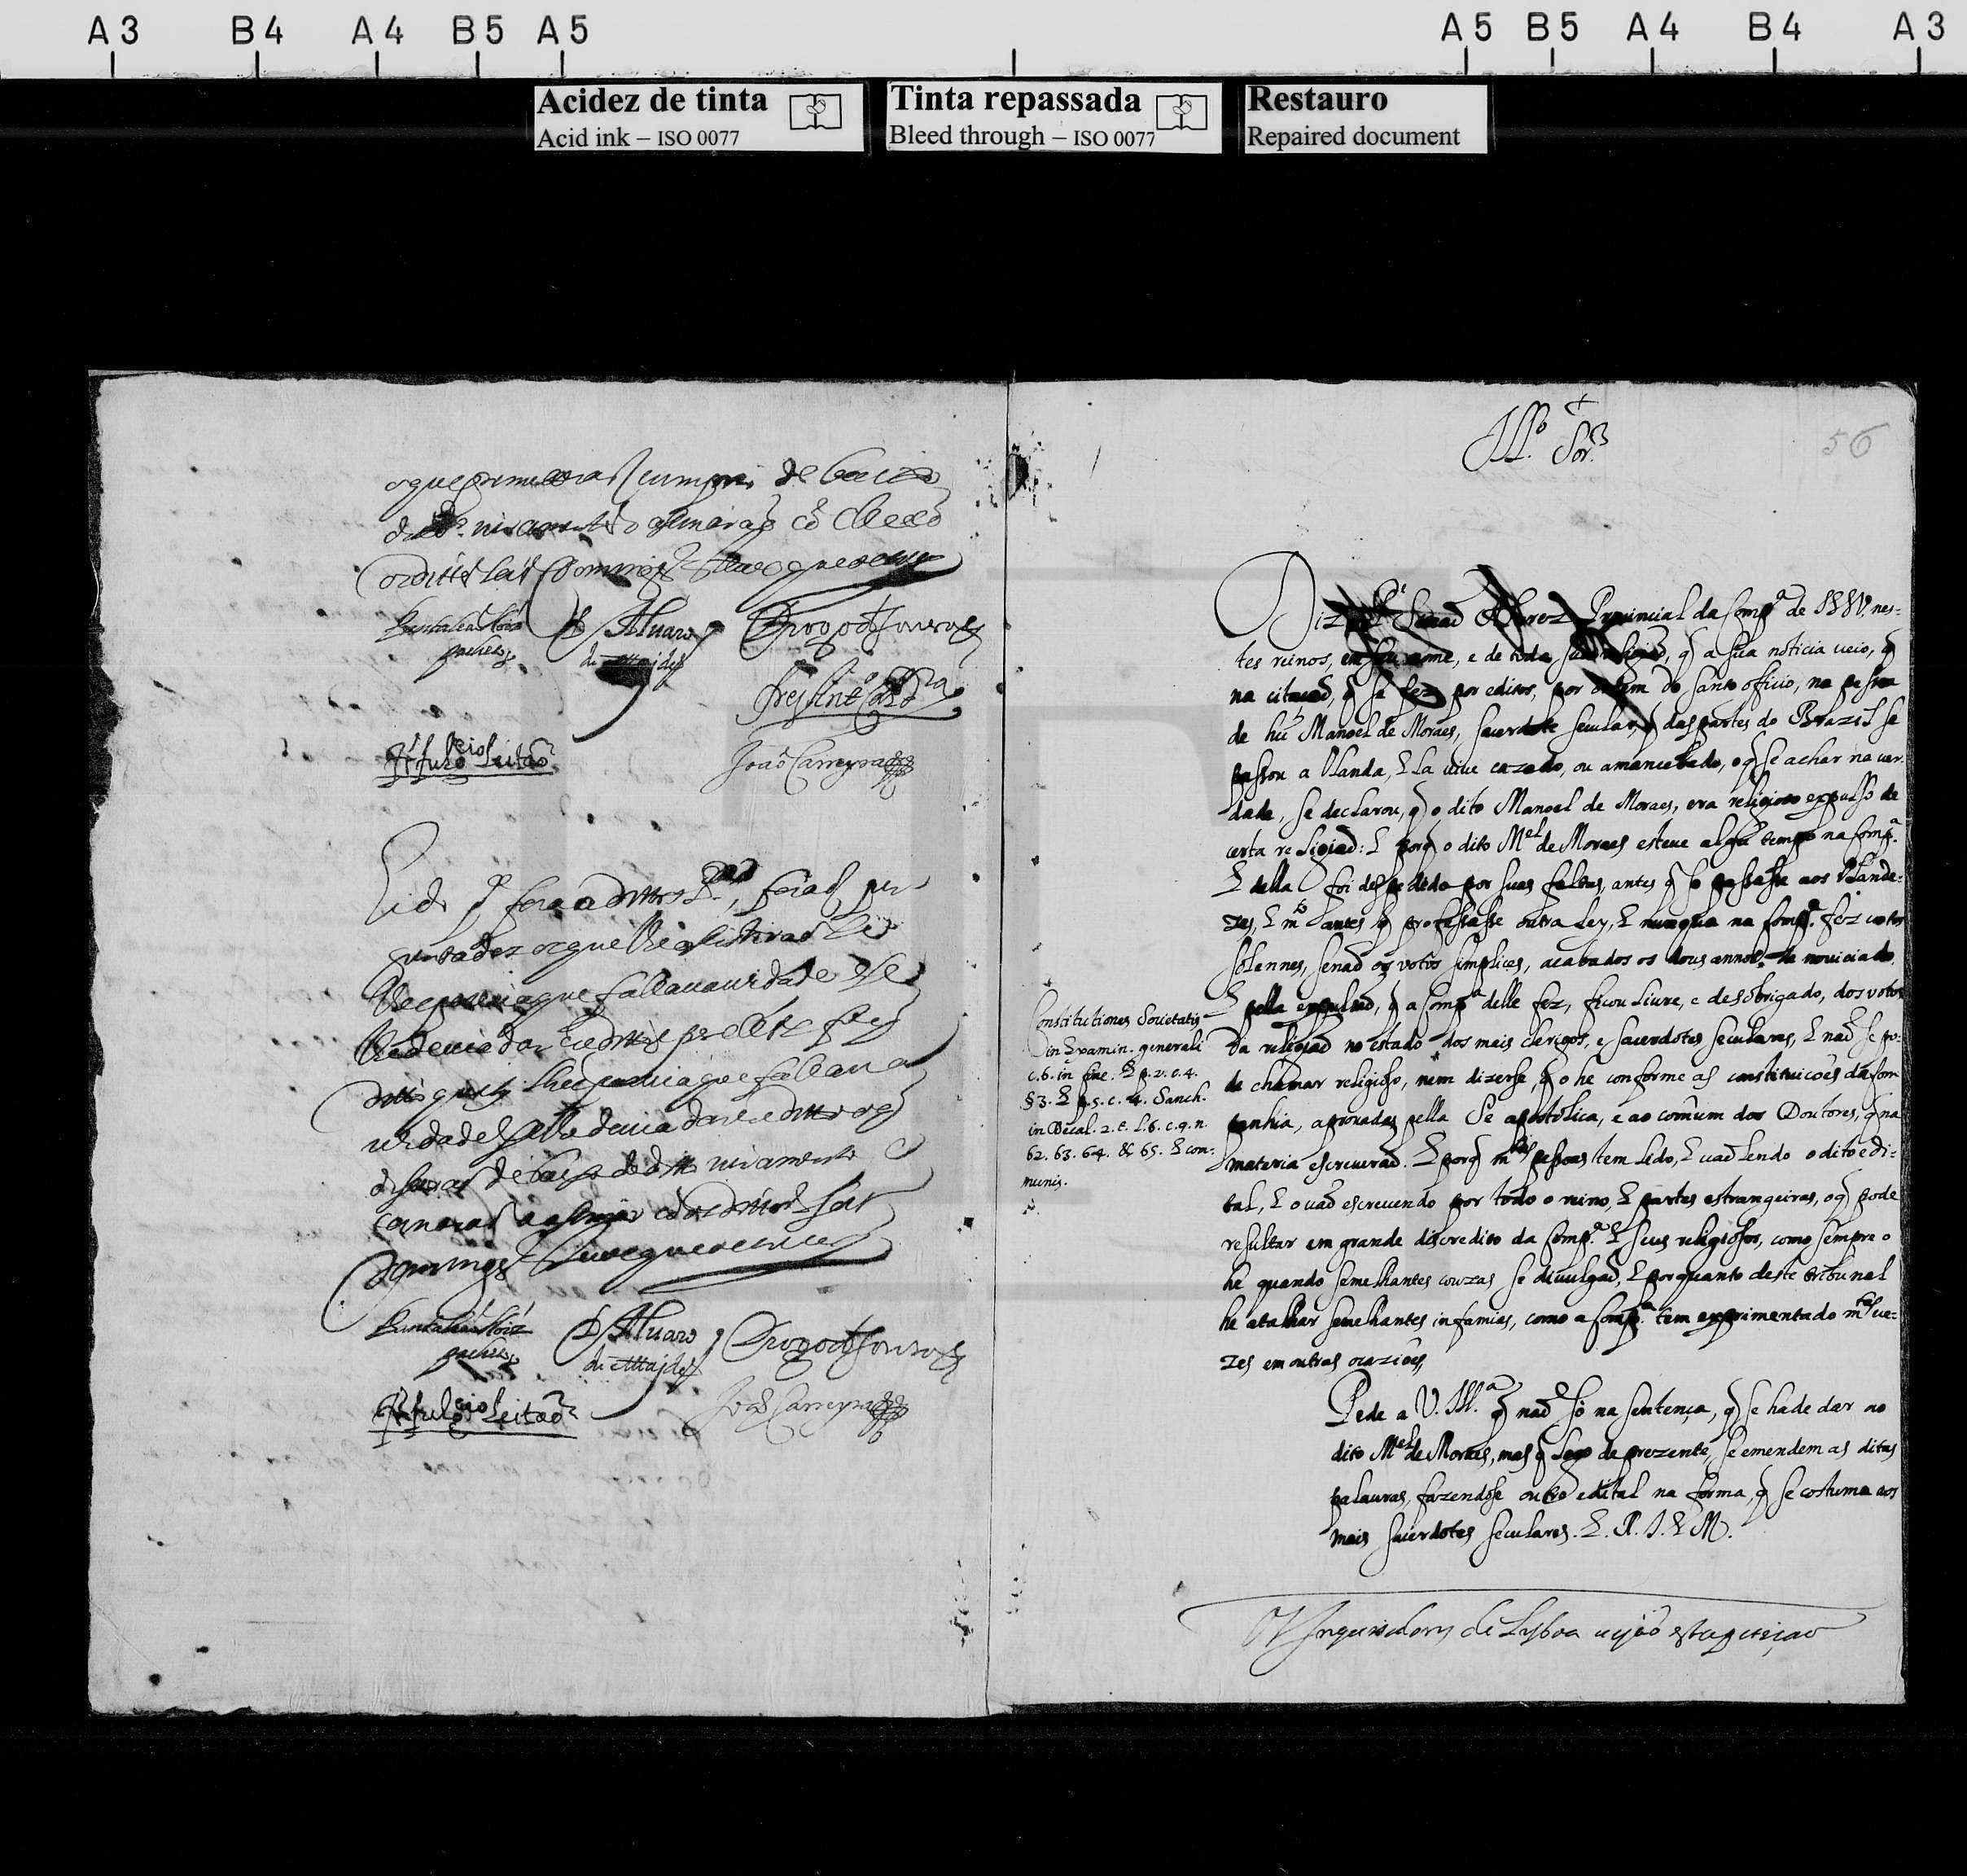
o que prometteraõ cumprir debaixo
do do. iuramento e assinaraõ cō elle cō
os dittos saõ Domingos esteues que o esuy
Pantaleaõ Roiz̄
pacheco
D Aluaro
de attajde
Diogo d̄ sousa
Frey Anto Caldra
fr̄ fulgcio Leitaõ
Joaõ Carreyra
E ido pa fora os dittos s.res, foraõ per
guntados os que lhe assistiraõ e
lhe parecia que fallaua uerdade e se
lhe deuia dar creditto e por ele ta foe q̄
ditto que sj lhe parecia que fallaua
uerdade se lhe deuia da creditto o q̄
disseraõ debaixo do ditto iuramento e
tornaraõ a assinar cō os dittos sors̄
Domingos Esteues que o escreuj
Pantaleaõ Roiz̄
pacheco
D Aluaro
de Attajde
Diogo d̄ sousa
Joaõ Carreyra
fr̄ fulgcio Leitaõ
Ill.o Sor̄.
Diz o Pe Simaõ Alurez Prouincial da Comp.a de IESV, nes
tes reinos, em seu nome, e de toda sua religiaõ, q̄ a sua noticia ueio, q̄
na citaçaõ, q̄ se fez por editos, por ordem do Santo officio, na pessoa
de hū Manoel de Moraes, Sacerdote Secular, q̄ das partes do Brazil se
passou a Olanda, E la uiue cazado, ou amancebado, o q̄ se achar na uer
dade, se declarou, q̄ o dito Manoel de Moraes, era religiozo expulso de
certa religiaõ: E porq̄ o dito Mel de Moraes esteue algū tempo na Comp.a
E della foi despedido por suas faltas, antes q̄ se passasse aos OLande
zes, E mto antes q̄ professasse outra Ley, E nunqua na Comp.a fez uotos
Solennes, senaõ os votos simplices, acabados os dous annos de nouiciado
E pella expulsaõ, q̄ a Compa delle fez, ficou liure, e desobrigado, dos votos
Constitutiones Societatis
in Examin generali
c. 6. in fine. E p. v. c. 4.
§3. E p. 5 c. 14. Sanch.
in Decal. 2. t. L. 6. c. 9. n.
62. 63. 64. & 65. E com
munis.
da religiaõ no estado dos mais clerigos, e Sacerdotes Seculares, E naõ se po
de chamar religioso, nem dizerse, q̄ o he conforme as constituiçoẽs da Com
panhia, aprouadas pella Se apostolica, e ao com̄um dos Doutores, q̄ na
materia escreueraõ. E porq̄ mtas pessoas tem lido, E uaõ lendo o dito edi
tal, E o uaõ escreuendo por todo o reino, E partes estrangeiras, o q̄ pode
resultar em grande discredito da Comp.a E seus religiosos, como Sempre o
he quando semelhantes couzas se deuulgaõ, E porquanto deste tribunal
he atalhar semelhantes infamias, como a Comp.a tem exprimentado mtas ue
zes em outras ocazioẽs
Pede a V. Ill.a q̄ naõ Só na Sentença, q̄ Se ha de dar ao
dito Mel de Moraes, mas q̄ logo de prezente, se emendem as ditas
palauras, fazendose outro edital na forma, q̄ Se costuma aos
mais Sacerdotes Seculares. E. R. S. I. E M.
Os Jnquisidores de Lisboa uejaõ esta petiçaõ
